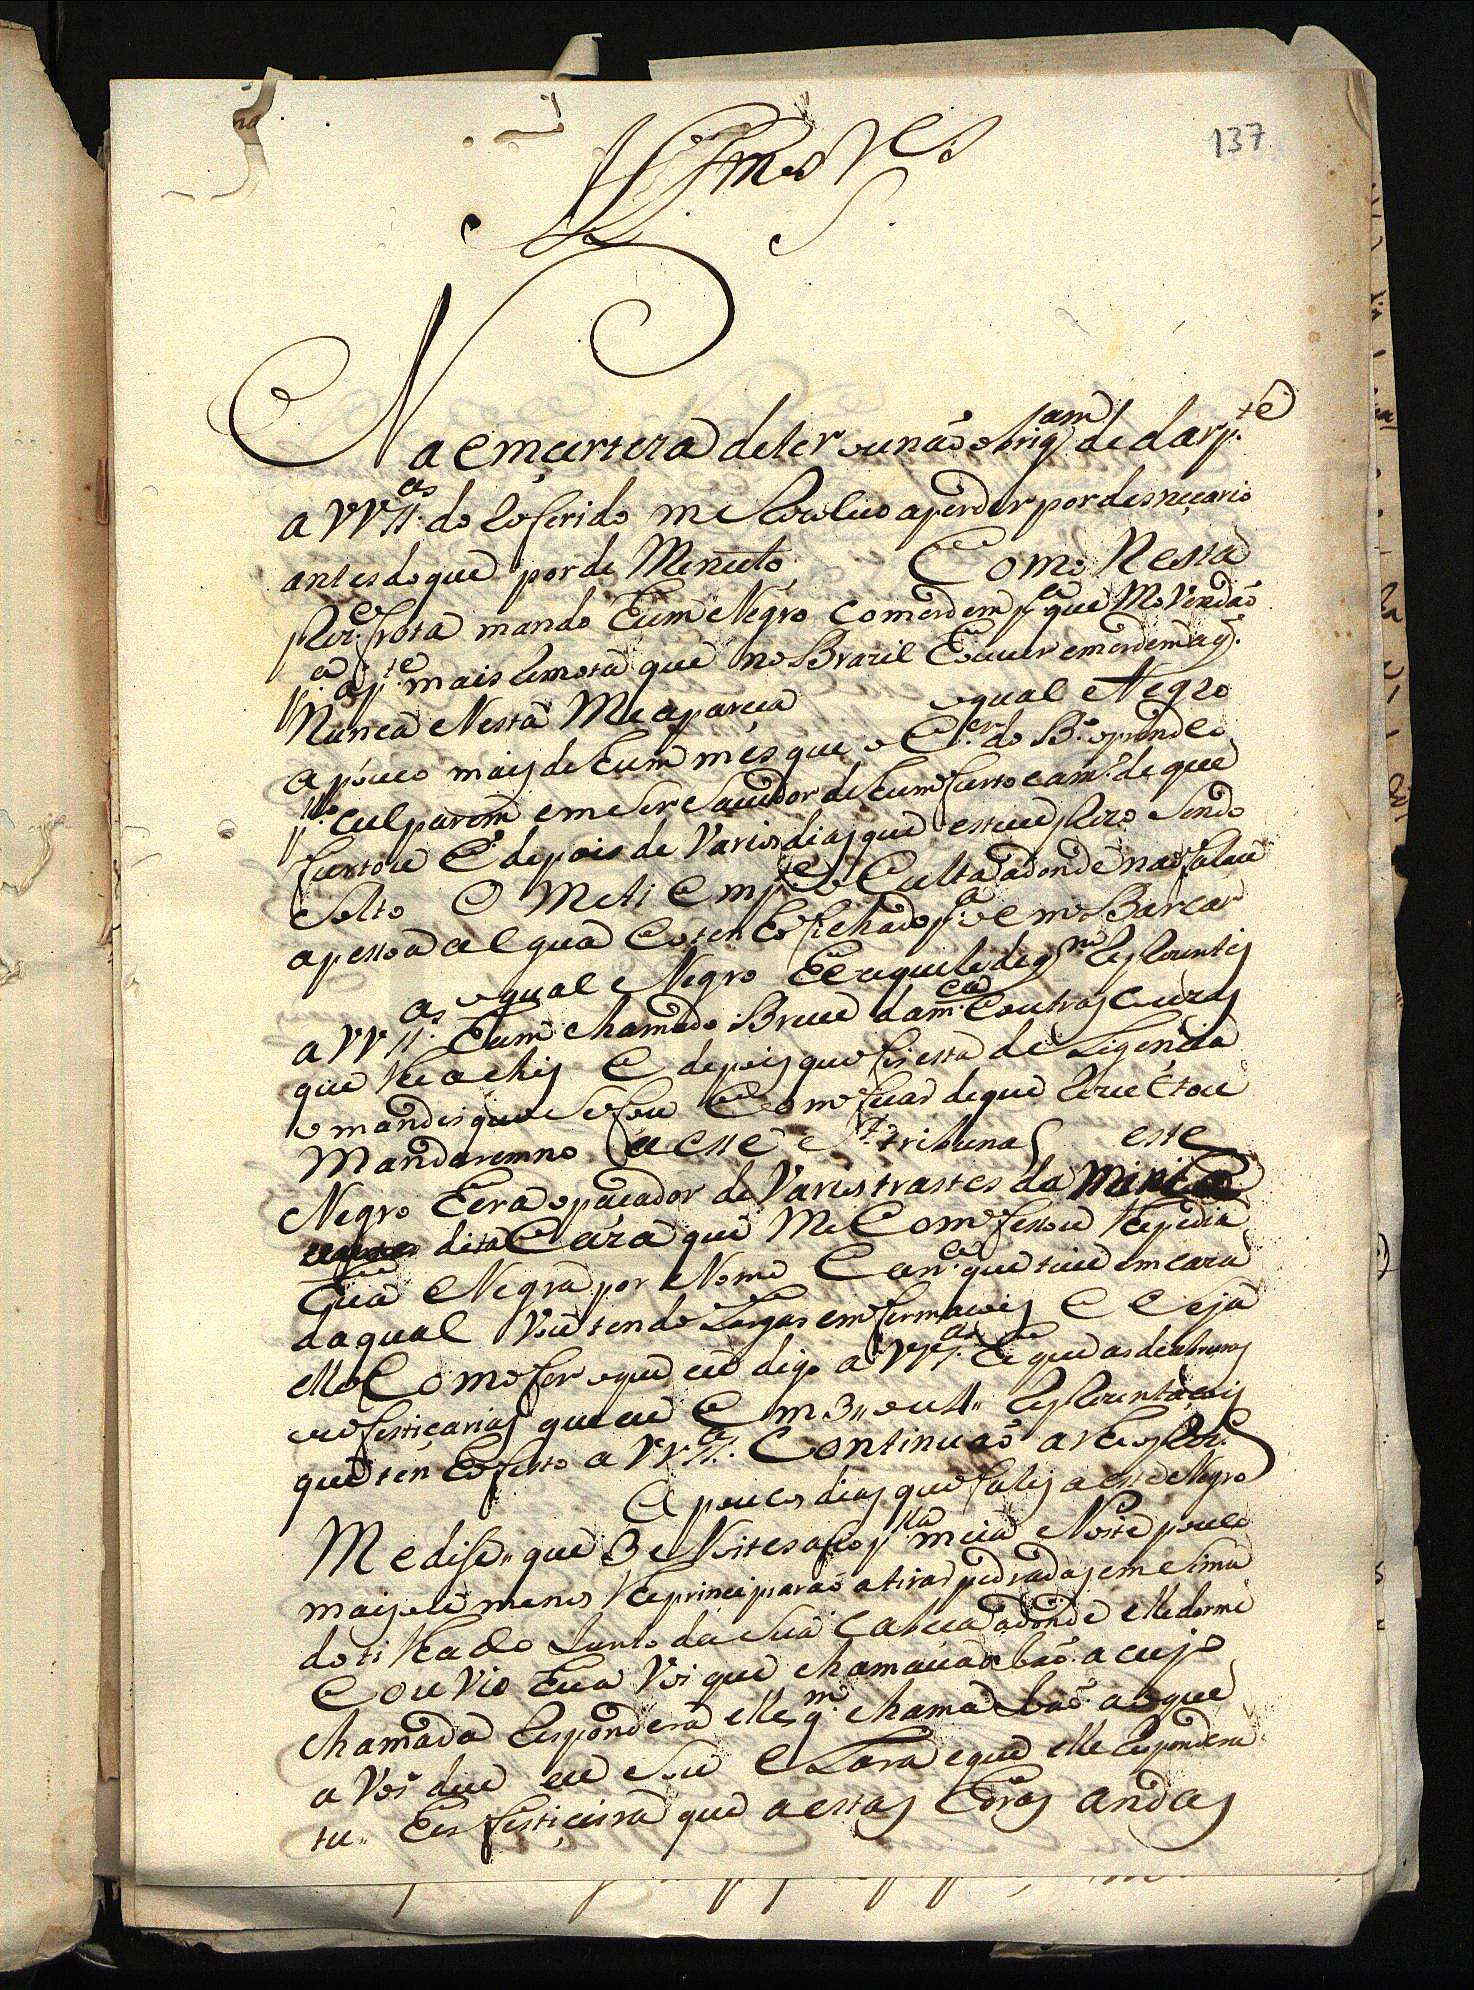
Illmos ses
Na emcerteza de ter ou naõ obrg.am de dar p.te
a VVSS.as do Roferido me Rosoluo a perder por desneçario
antes do que por de Menuto
Com: Nessa
pRez.e frota mando hum Negro com ordem pa que Mo vendaõ
p.a a p.te mais Remota que no Brazil houuer em ordem a q̄
Nunca Nesta Me apareça
o qual Negro
a pouco mais de hum mes que o C.er do B.o o prendeo
p.lo culparem em Ser Sauedor de hum furto e am.o de que
furtou E depois de Varios dias que esteue pRezo sendo
Solto O meti em pte oCulta adonde naõ falace
a pessoa algua e o tenho fichado p.a emBarcar
ao qual Negro He aquele de q.m RepRezentej
a VV SS. hum chamado Breue da m.ca e outras couzas
que lhe achej E depois que fis esta deLigencia
o mandei que se foce Comofeçar de que Rezultou
mandaremno a esse tribunal este
Negro hera o paçador de Varios trastes da minha
dita Caza que Me Comfessou lhe pedia
hua Negra por Nome Con.a que tiue em caza
da qual Vou tendo Largas emfermaçois E Seja
elle Como for o que eu digo a VV S.as he que as deabruras
ou feitiçarias que eu Em 3// ou 4// RepRezentaçois
que tenho feito a VV. ss.as Continuaõ athe os pRez.e
A poucos dias que falej a este Negro
Me dise, que 3 Noites a fio p.lla meia Noite pouco
mais ou menos lhe principaraõ a tirar pedradas emSima
do tilhado Iunto da Sua Cabeça adonde elle dorme
e ouvio hua Vos que chamaua Ioaõ a cujo
chamada Respondera elle q.m chama Ioaõ ao que
a Vós dice eu Sou CLara e que elle Respondera
tu Ees feiticeira que a estas horas andas
